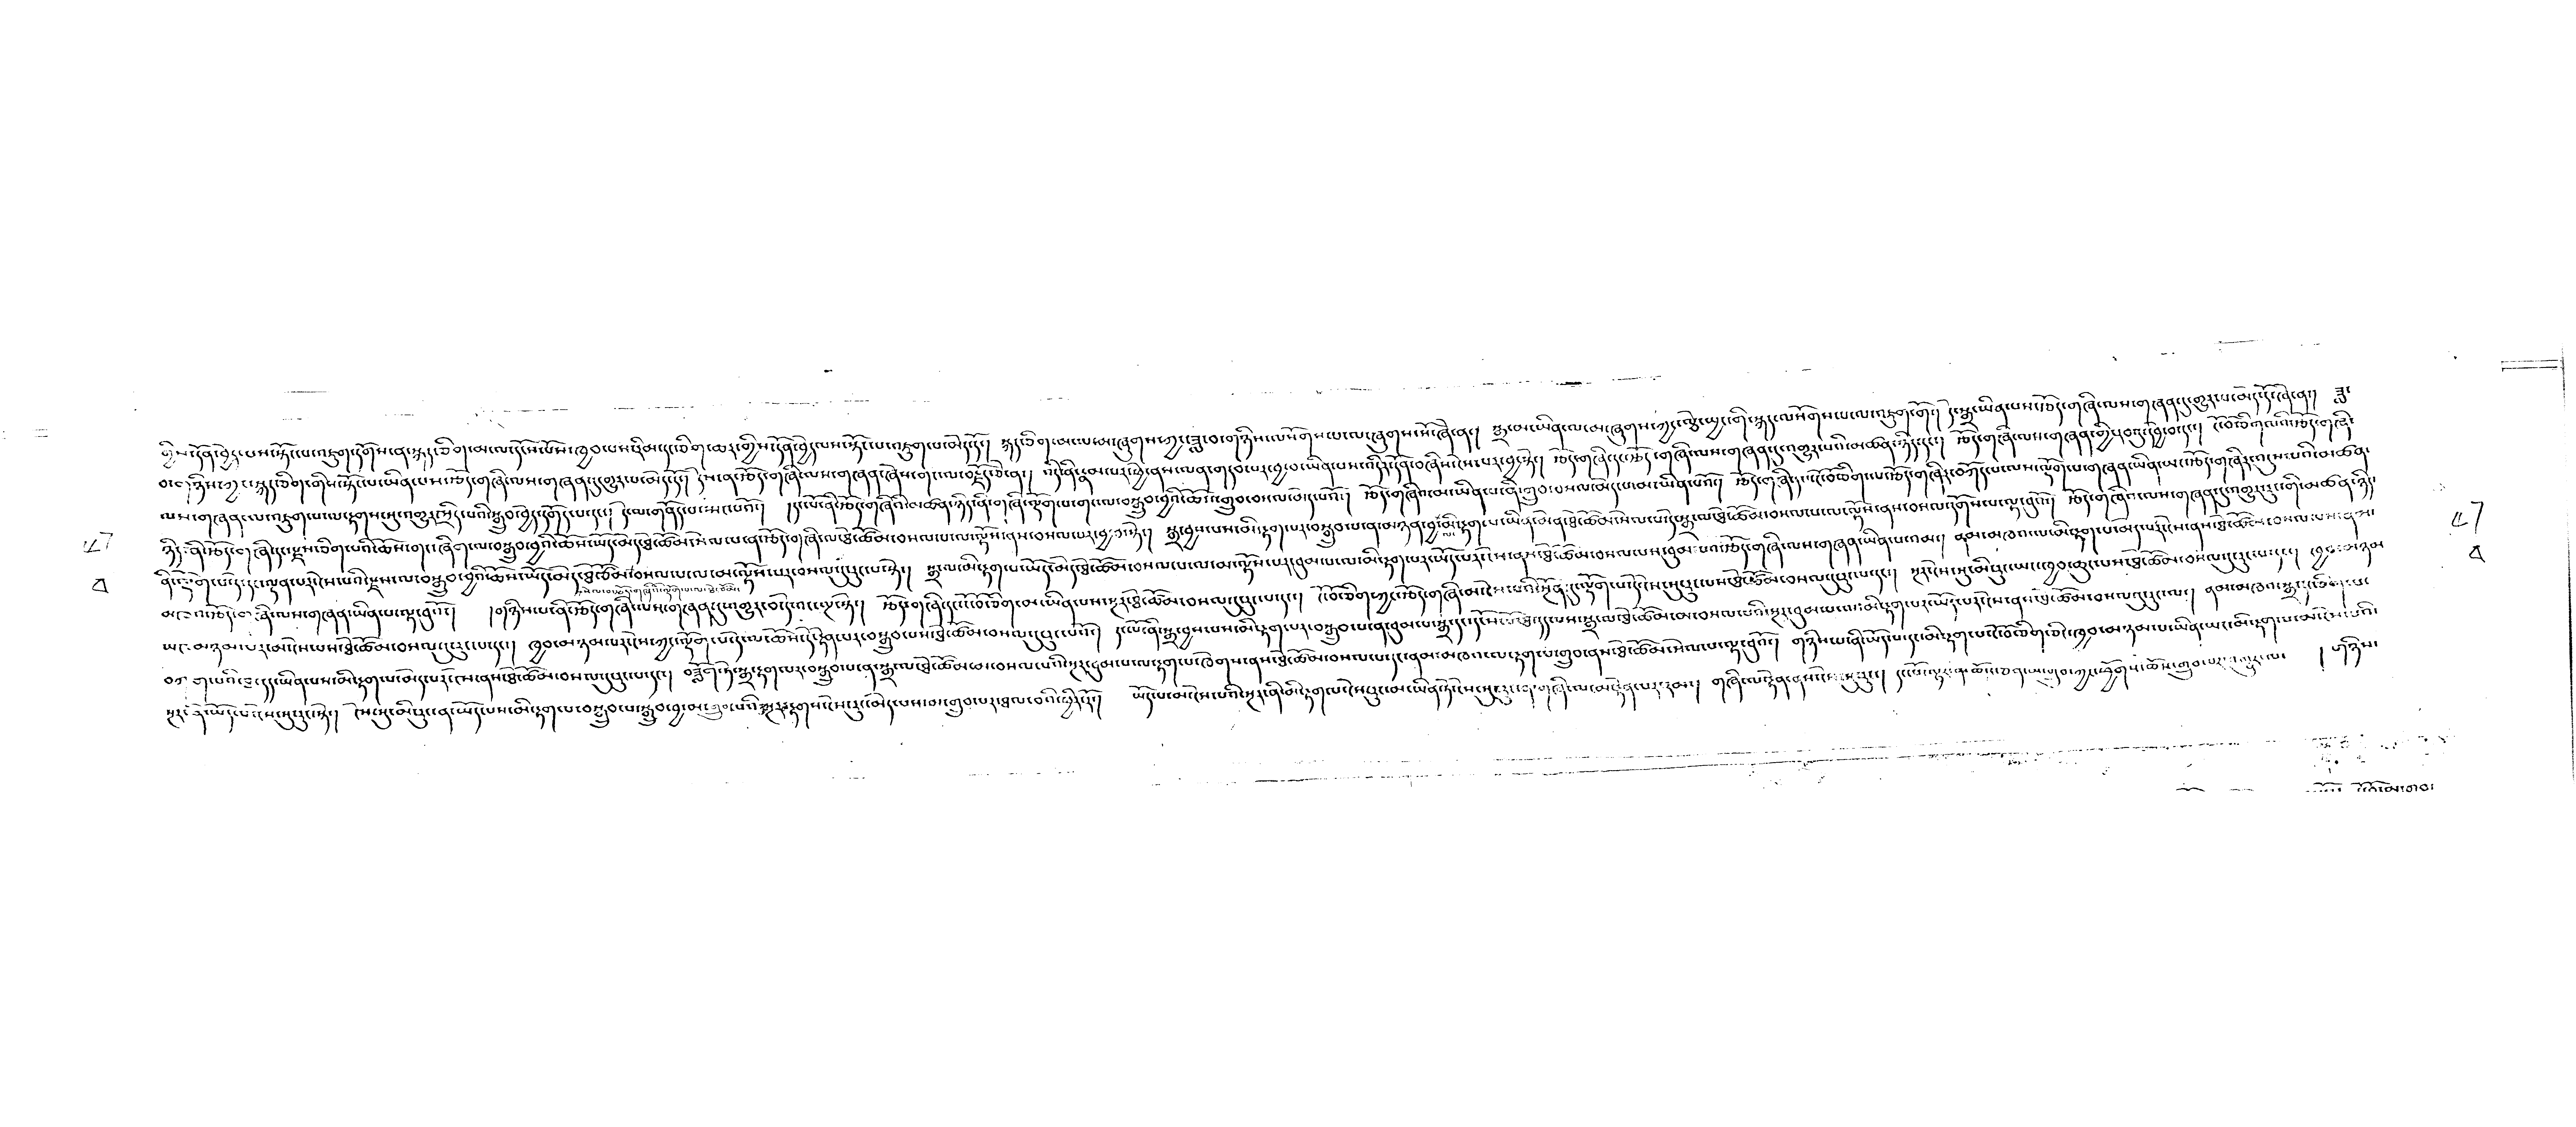གྱིས་དོན་བྱེད་པས་སྟོང་པ་འཇུག་དོགས་ན་སྐད་ཅིག་མ་ལ་དངོས་པོས་ཁྱབ་པས་རིམ་དང་ཅིག་ཆར་གྱིས་དོན་བྱེད་ལས་སྟོང་པ་འཇུག་པ་མེད་དོ། སྐད་ཅིག་མ་ལ་མ་ཞུགས་ཀྱང་ཟླ་བ་གཉིས་ལ་སོགས་པ་ལ་ཞུགས་སོ་ཞེ་ན། སྒྲ་མ་ཡིན་ལ་མ་ཞུགས་ཀྱང་ལྕེ་སྤྱང་གི་སྐད་ལ་སོགས་པ་ལ་འཇུག་གོ། དེ་སྒྲ་ཡིན་པས་རྩོད་གཞི་ལས་གཞན་དུ་གྱུར་པ་མེད་དོ་ཞེ་ན། ཟླ་
བ་གཉིས་ཀྱང་སྐད་ཅིག་གིས་སྟོང་པ་ཡིན་པས་རྩོད་གཞི་ལས་གཞན་དུ་གྱུར་པ་མེད་དོ། དེས་ན་རྩོད་གཞི་ལས་གཞན་ཞེས་གང་ལ་བརྗོད་ཅེ་ན། འདི་ནི་རྣམ་པར་ཕྱེ་ནས་ལན་གདབ་པར་བྱ་བ་ཡིན་པས་འདིར་དོན་བཞིས་ངེས་པར་བྱ་སྟེ། རྩོད་གཞི་དང་རྩོད་གཞི་ལས་གཞན་དུ་འགྱུར་པའི་མཚན་ཉིད་དང་། རྩོད་གཞི་ལས་གཞན་གྱི་རབ་དུ་དབྱེ་བ་དང་། ངོ་བོ་ཅིག་པའི་རྩོད་གཞི་
ལས་གཞན་ལ་འཇུག་པ་ལ་རྟགས་སུ་འགྱུར་སྲིད་པའི་སྒྲུབ་བྱེད་དགོད་པ་དང་། དེ་ལ་གནོད་པ་སྤང་པའོ། །དང་པོ་ནི་རྩོད་གཞིའི་མཚན་ཉིད་ནི་གཞི་ལྡོག་པ་གང་ལ་བསྒྲུབ་བྱའི་ཆོས་འགྲུབ་པ་ལ་ཡོད་པའོ། རྩོད་གཞིས་མ་ཡིན་པ་ནི་གྲུབ་བསལ་མེད་པ་མ་ཡིན་པའོ། རྩོད་གཞི་དང་ངོ་བོ་ཅིག་ལ་རྩོད་གཞིར་བཀོད་པ་ལས་ལྡོག་པ་གཞན་ཡིན་ཡང་རྩོད་གཞིར་འདུས་པའི་མཚན་
ཉིད་ནི་རྩོད་གཞི་དང་རྫས་ཅིག་པའི་ཆོས་གང་ཞིག་ལ་བསྒྲུབ་བྱའི་ཆོས་ཡོད་མེད་ཐེ་ཚོམ་སེལ་པ་ན་རྩོད་གཞི་ལ་ཐེ་ཚོམ་བསལ་པ་ལ་ལྟོས་ནས་བསལ་པར་བྱ་བ་སྟེ། སྒྲ་བྱས་པས་མི་རྟག་པར་བསྒྲུབ་པ་ན་མཉན་བྱ་ལ་མི་རྟག་པ་ཡིན་མིན་ཐེ་ཚོམ་སེལ་པ་དེ་སྒྲ་ལ་ཐེ་ཚོམ་བསལ་པ་ལ་ལྟོས་ནས་བསལ་དགོས་པ་ལྟ་བུའོ། རྩོད་གཞི་ལས་གཞན་དུ་འགྱུར་རུང་གི་མཚན་ཉིད་
ནི་ལྡོག་པ་དེ་དང་ལྡན་པར་ངེས་པའི་རྫས་ལ་བསྒྲུབ་བྱའི་ཆོས་ཡོད་མེད་ཐེ་ཚོམ་སེལ་བ་རྩོད་གཞི་མི་ལྡོག་པ་ལ་ཐེ་ཚོམ?་བསལ་པ་ལ་མ་ལྟོས་པར་པར་བསལ་དུ་རུང་པ་སྟེ། སྒྲ་ལ་མི་རྟག་པ་ཡོད་མེད་ཐེ་ཚོམ་བསལ་པ་ལ་མ་ལྟོས་པར་བུམ་པ་ལ་མི་རྟག་པར་ཡོད་པར་ངེས་ནས་ཐེ་ཚོམ་བསལ་པས་བུམ་པ་རྩོད་གཞི་ལས་གཞན་ཡིན་པ་འམ། ནམ་མཁའ་ལ་མི་རྟག་པ་མེད་པར་ངེས་ནས་ཐེ་ཚོམ་བསལ་པས་ནམ་
མཁའ་རྩོད་གཞི་ལས་གཞན་ཡིན་པ་ལྟ་བུའོ། །གཉིས་པ་ནི་རྩོད་གཞི་ལས་གཞན་དུ་འགྱུར་བ་དེ་འང་ལྔ་སྟེ། རྩོད་གཞི་དང་ངོ་བོ་ཅིག་མ་ཡིན་པས་སྔར་ཐེ་ཚོམ་བསལ་དུ་རུང་པ་དང་། ངོ་བོ་ཅིག་ཀྱང་རྩོད་གཞི་མ་ངེས་པའི་སྔོན་དུ་ལྡོག་པ་དེ་ངེས་སུ་རུང་པས་ཐེ་ཚོམ་བསལ་དུ་རུང་པ་དང་། སྔར་ངེས་སུ་མི་རུང་ཡང་ཁྱབ་ཆུང་པས་ཐེ་ཚོམ་བསལ་དུ་རུང་པ་དང་། ཁྱབ་མཉམ་
ཡང་མཉམ་པར་མ་ངེས་པས་ཐེ་ཚོམ་བསལ་དུ་རུང་པ་དང་། ཁྱབ་མཉམ་པར་ངེས་ཀྱང་ལྡོག་པ་དེ་ལ་ཆོས་དེ་རྟེན་པར་བསྒྲུབ་པས་ཐེ་ཚོམ་བསམ་དུ་རུང་པའོ། དང་པོ་ནི་སྒྲ་བྱས་པས་མི་རྟག་པར་བསྒྲུབ་པ་ན་བུམ་པ་སྒྲ་དང་དངོས་པོ་ཐ་དད་པས་སྒྲ་ལ་ཐེ་ཚོམ་མ་བསལ་པའི་སྔར་བུམ་པ་ལ་མི་རྟག་པར་ཡོད་པར་ངེས་ནས་ཐེ་ཚོམ་བསལ་དུ་རུང་ལ། ནམ་མཁའ་སྒྲ་གཅིག་པ་
བཀག་པའི་ཐ་དད་ཡིན་པས་མི་རྟག་པ་མེད་པར་ངེས་ནས་ཐེ་ཚོམ་བསལ་དུ་རུང་པ་དང་། བཟློག་ཏེ་སྒྲ་རྟག་པར་བསྒྲུབ་པ་ན་སྒྲ་ལ་ཐེ་ཚོམ་མ་བསལ་པའི་སྔར་བུམ་པ་ལ་རྟག་པ་ཁེགས་ནས་ཐེ་ཚོམ་བསལ་པ་དང་ནམ་མཁའ་ལ་རྟག་པ་གྲུབ་ནས་ཐེ་ཚོམ་སེལ་པ་ལྟ་བུའོ། གཉིས་པ་ནི་ཡོད་པ་དང་མི་རྟག་པ་ངོ་བོ་ཅིག་ཅིང་ཁྱབ་མཉམ་པ་ཡིན་ཡང་མི་རྟག་པ་མ་ངེས་པའི་
སྔར་ནི་ཡོད་པ་ངེས་སུ་རུང་སྟེ། ངེས་སུ་མི་རུང་ན་ཡོད་པས་མི་རྟག་པ་བསྒྲུབ་པ་སྒྲུབ་བྱ་མ་གྲུབ་པའི་སྔར་རྟགས་ངེས་རུང་མེད་པས་མ་གྲུབ་པར་ཐལ་བའི་ཕྱིར་རོ། ཡོད་པ་མ་ངེས་པའི་སྔར་ནི་མི་རྟག་པ་ངེས་རུང་མ་ཡིན་ཏེ་ངེས་སུ་རུང་ན་གཞི་ལ་མ་རྟེན་པར་རམ། གཞི་ལ་རྟེན་ནས་ངེས་སུ་རུང་། དང་པོ་ལྟར་ན་ཆོས་ཅན་ལ་གྲུབ་ཀྱང་ཕྱོགས་ཆོས་གྲུབ་པར་འགྱུར་ལ། གཉིས་